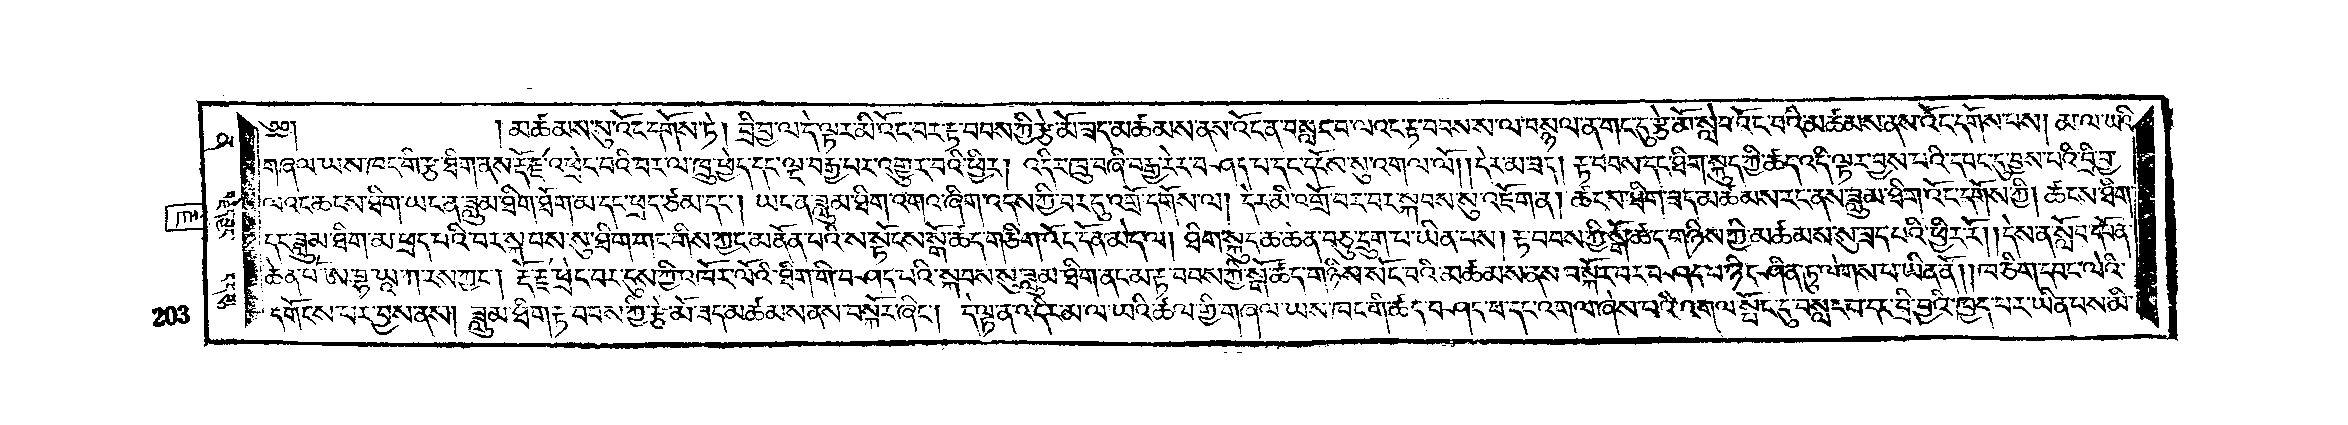༄༅། །མཚམས་སུ་འོང་དགོས་ཏེ། བྲི་བྱ་ལ་དེ་ལྟར་མི་འོང་བར་རྟ་བབས་ཀྱི་རྩེ་མོ་ཟང་མཚམས་ནས་འོང་ན་བསླང་བ་ལའང་རྟ་བབས་ས་ལ་བསྙལ་ན་གང་དུ་རྩེ་མོ་སླེབ་འོང་བའི་མཚམས་ནས་འོང་དགོས་པས། མ་ལ་ཡའི་
གཞལ་ཡས་ཁང་གི་རྩ་ཐག་ནས་རྡོ་རྗེ་འཕྲེང་བའི་བར་ལ་ཁྲུ་ཕྱེད་དང་ལྔ་བརྒྱ་པར་འགྱུར་བའི་ཕྱིར། འདིར་ཁྲུ་བཞི་བརྒྱ་རེར་བཤད་པ་དང་དངོས་སུ་འགལ་ལོ། །དེར་མ་ཟད། རྟ་བབས་དང་ཐིག་སྐུད་ཀྱི་ཚད་འདི་ལྟར་བྱས་པའི་དབང་དུ་བྱས་པའི་བྲི་བྱ་
ལའང་ཚངས་ཐིག་ཡང་ན་ཟླུམ་ཐིག་ཐོག་མ་དང་ཕྲད་ཙམ་དང་། ཡང་ན་ཟླུམ་ཐིག་འགའ་ཞིག་འདས་ཀྱི་བར་དུ་འགྲོ་དགོས་ལ། དེར་མི་འགྲོ་བར་བར་སྐབས་སུ་འཇོག་ན། ཚངས་ཐིག་ཟད་མཚམས་རང་ནས་ཟླུམ་ཐིག་འོང་དགོས་ཀྱི། ཚངས་ཐིག་
དང་ཟླུམ་ཐིག་མ་ཕྲད་པའི་བར་སྐབས་སུ་ཐིག་གང་གིས་ཀྱང་མནོན་པའི་ས་སྟོངས་སྒོ་ཚད་གཅིག་འོང་དོན་མེད་ལ། ཐིག་སྐུད་ཆ་ཆེན་བཅུ་དྲུག་པ་ཡིན་པས། རྟ་བབས་ཀྱི་སྒོ་ཚད་གཉིས་ཀྱི་མཚམས་སུ་ཟད་པའི་ཕྱིར་རོ། །དེས་ན་སློབ་དཔོན་
ཆེན་པོ་ཨ་བྷ་ཡཱ་ཀ་རས་ཀྱང་། རྡོ་རྗེ་ཕྲེང་བར་དུས་ཀྱི་འཁོར་ལོའི་ཐིག་གི་བཤད་པའི་སྐབས་སུ་ཟླུམ་ཐིག་ནང་མ་རྟ་བབས་ཀྱི་སྒོ་ཚད་གཉིས་སོང་བའི་མཚམས་ནས་བསྐོར་བར་བཤད་པ་ཉིད་ཤིན་ཏུ་ལེགས་པ་ཡིན་ནོ། །ཁ་ཅིག་དབང་ལེའུ་
དགོངས་པར་བྱས་ནས། ཟླུམ་ཐིག་རྟ་བབས་ཀྱི་རྩེ་མོ་ཟད་མཚམས་ནས་བསྐོར་ཞིང་། དེ་ལྟ་ན་འདིར་མ་ལ་ཡའི་ཚལ་གྱི་གཞལ་ཡས་ཁང་གི་ཚད་བཤད་པ་དང་འགལ་ཞེས་པའི་འགལ་སྤོང་དུ་བསླང་བ་དང་བྲི་བྱའི་ཁྱད་པར་ཡིན་པས་མི་